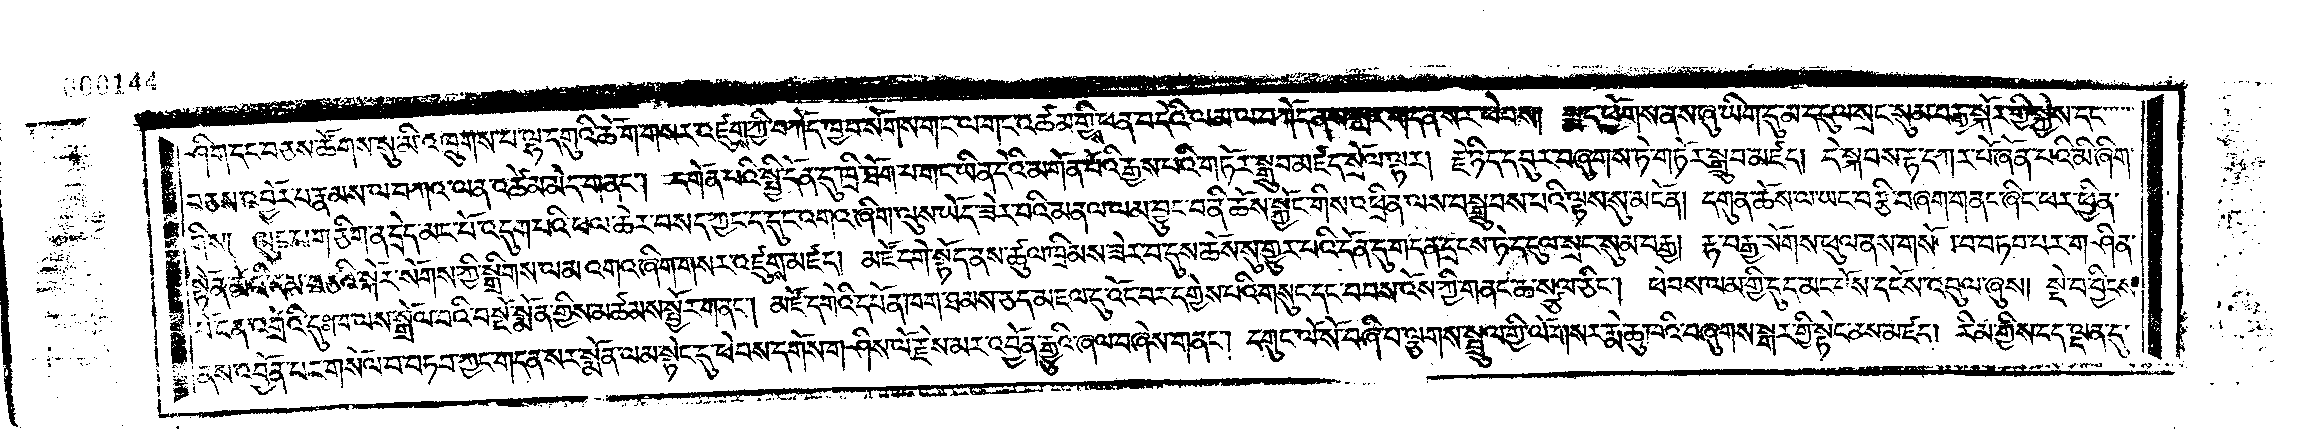ཤིག་དང་བཅས་ཚོགས་སུ་མི་འཁྲུགས་པ་ལྷ་དགུའི་ཆོག་གསར་འཛུགས་ཀྱི་བཀོད་ཁྱབ་སོགས་གང་ལ་གང་འཚམ་གྱིས་ཕན་བདེའི་ལམ་ལ་བཀོད་ནས་སླར་གདན་སར་ཕེབས། སྨད་ཕྱོགས་ནས་ཞུ་ཡིག་དུ་མ་དངུལ་སྲང་སུམ་བརྒྱ་སྐོར་གྱི་སྐྱེས་དང་
བཅས་འབྱོར་བ་རྣམས་ལ་བཀའ་ལན་འཚེམ་མེད་གནང་། དགོན་པའི་སྤྱི་དོན་དུ་ཁྲི་ཐོག་པ་གང་ཡིན་དེའི་མགོན་པོའི་རྒྱས་པའི་གཏོར་སྒྲུབ་མཛད་སྲོལ་ལྟར། རྗེ་ཉིད་དབུར་བཞུགས་ཏེ་གཏོར་སྒྲུབ་མཛད། དེ་སྐབས་རྟ་དཀར་པོ་ཞོན་པའི་མི་ཞིག་
གིས༑ ལུང་པ་གཅིག་ན་དྲེད་མང་པོ་འདུག་པའི་ཕལ་ཆེར་བསད་ཀྱང་ད་དུང་འགའ་ཞིག་ལུས་ཡོད་ཟེར་བའི་མནལ་ལམ་བྱུང་བ་ནི་ཆོས་སྐྱོང་གིས་འཕྲིན་ལས་བསྒྲུབས་པའི་ལྷས་སུ་མངོན། དགུན་ཆོས་ལ་ཡང་བརྩི་བཞག་གནང་ཞིང་ཕར་ཕྱིན་
སྟོན་མོའི་དམ་བཅའི་སྐོར་སོགས་ཀྱི་སྒྲིགས་ལམ་འགའ་ཞིག་གསར་འཛུགས་མཛད། མཛོ་དགེ་སྟོད་ནས་ཚུལ་ཁྲིམས་ཟེར་བ་དུས་ཆོས་སུ་གྱུར་བའི་དོན་དུ་གདན་དྲངས་ཏེ་དངུལ་སྲང་སུམ་བརྒྱ། རྟ་བརྒྱ་སོགས་ཕུལ་ནས་གསོལ་བ་བཏབ་པར་གཤིན་
པོ་ངན་འགྲོའི་དུཿ ཁ་ལས་སྒྲོལ་བའི་བསྔོ་སྨོན་གྱིས་མཚམས་སྦྱོར་གནང་། མཛོ་དགེའི་དཔོན་ཁག་ཐམས་ཅད་མཇལ་དུ་འོང་བར་དགྱེས་པའི་གསུང་དང་བབས་འོས་ཀྱི་གནང་ཆ་སྩལ་ཅིང་། ཕེབས་ལམ་གྱི་དུང་མང་པོས་དངོས་འབུལ་ཞུས། སྡེ་བ་བྱིངས་
ནས་འབྱོན་པར་གསོལ་བ་བཏབ་ཀྱང་གདན་སར་སྨོན་ལམ་སྟེང་དུ་ཕེབས་དགོས་གཤིས་ལོ་རྗེས་མར་འབྱོན་རྒྱུའི་ཞལ་བཞེས་གནང་། དགུང་ལོ་སོ་བཞི་པ་ལྕགས་སྤྲུལ་གྱི་ལོ་གསར་རྨེ་ཆུ་ཁའི་བཞུགས་སྒར་གྱི་སྟེང་ནས་མཛད། རིམ་གྱིས་དད་ལྡན་དུ་